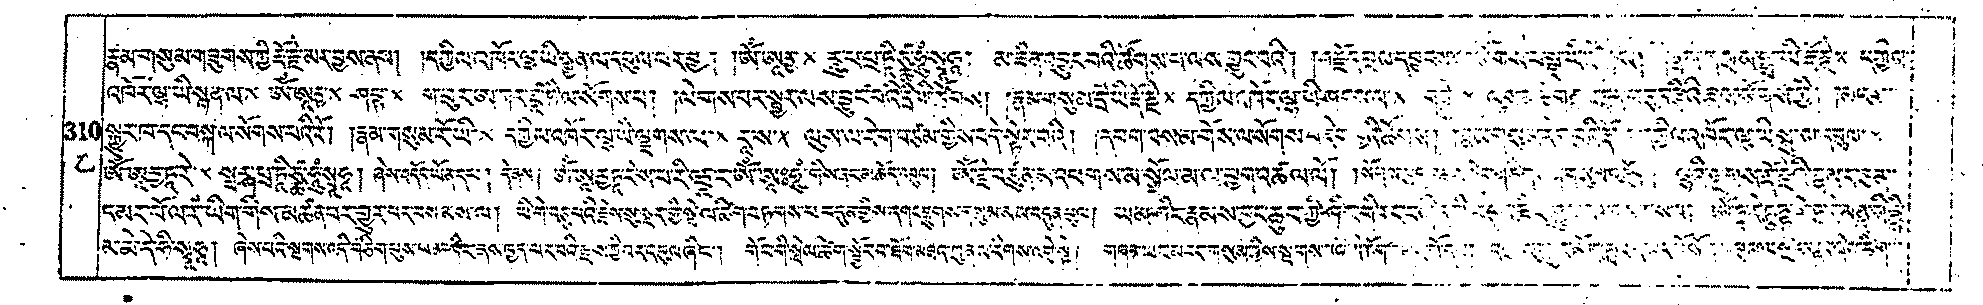རྣམ་གསུམ་གཟུགས་ཀྱི་རྡོ་རྗེ་མར་བྱས་ནས། །དཀྱིལ་འཁོར་ལྷ་ཡི་སྤྱན་ལ་དབུལ་བར་བྱ། །ཨོཾ་ཨཱརྱ་྾་རཱུ་པ་པྲ་ཏཱི་ཙྪ་ཧཱུཾ་སྭཱཧཱ། མ་ཟིན་འབྱུང་བའི་ཚོགས་པ་ལས་བྱུང་བའི། །བརྗོད་བྲལ་དབྱངས་ལ་སོགས་པ་སྒྲ་ཡི་ཚོགས། །རྣམ་གསུམ་སྒྲ་ཡི་རྡོ་རྗེ་྾་དཀྱིལ་
འཁོར་ལྷ་ཡི་སྙན་ལ་྾་ཨོཾ་ཨཱརྱ་྾་ཤཔྟ་྾་ག་བུར་ཨ་ཀར་ཛཱ་ཏི་ལ་སོགས་པ། །ལེགས་པར་སྦྱར་ལས་བྱུང་བའི་དྲི་ཡི་ཚོགས། །རྣམ་གསུམ་དྲི་ཡི་རྡོ་རྗེ་྾་དཀྱིལ་འཁོར་ལྷ་ཡི་ཤངས་ལ་྾་གདྷེ་྾་ལུས་མཆོག་རྟས་བྱེད་བདུད་རྩིའི་ཟས་སོགས་ཀྱི། །མངར་་་
སྐྱུར་ཁ་དང་བསྐ་ལ་སོགས་པའི་རོ། །རྣམ་གསུམ་རོ་ཡི་྾་དཀྱིལ་འཁོར་ལྷ་ཡི་ལྗགས་ལ་྾་རཱ་ས་྾་ལུས་ལ་རེག་པ་ཙམ་གྱིས་བདེ་སྟེར་བའི། །དཔག་བསམ་གོས་ལ་སོགས་པ་རེག་བྱའི་ཚོགས། །རྣམ་གསུམ་རེག་བྱའི་རྡོ་རྗེ་དཀྱིལ་འཁོར་ལྷ་ཡི་སྐུ་ལ་དབུལ་྾་
ཨོཾ་ཨཱ་རྱ་ཏཱ་རེ་྾་སྤརྴ་པྲ་ཏཱིཙྪ་ཧཱུཾ་སྭཱཧཱ། ཞེས་འདོད་ཡོན་དང་། དེ་ནས།  ཨོཾ་ཨཱ་རྱ་ཏཱ་རེ་ས་པ་རི་ཝཱ་ར་ཨོཾ་ཨཱཿ ཧཱུཾ་གིས་ནང་མཆོད་འབུལ།  ཨོཾ་རྗེ་བཙུན་མ་འཕགས་མ་སྒྲོལ་མ་ལ་ཕྱག་འཚལ་ལོ། །སོགས་ཕྱག་འཚལ་ཉེར་གཅིག་ལན་གསུམ་བརྗོད།  ལྷའི་ལྗགས་རྡོ་རྗེའི་རྣམ་པ་ཅན་་་
དམར་པོ་ལ་རཾ་ཡིག་གིས་མཚན་པར་གྱུར་པར་བསམས་ལ། ཡི་གེ་བཅུ་པའི་རྗེས་སུ་སྔར་གྱི་སྤེལ་ཚིག་བཏགས་པ་བདུན་གྱིས་དགང་བླུགས་གསུམ་མམ་བདུན་ཕུལ།  ཡམ་ཤིང་རྣམས་བྱང་ཆུབ་ཀྱི་ཤིང་གི་རང་བཞིན་གྱི་བདུད་རྩི་གྱུར་པར་བསམས་ལ། ཨོཾ་ཏཱ་རེ་ཏུཏྟཱ་རེ་ཏུ་རེ་མནྡ་སིདྡྷི་
མ་མེ་དེ་ཧི་སྭཱཧཱ། ཞེས་པའི་སྔགས་འདི་གཅིག་པུས་ཡམ་ཤིང་ནས་ཁྱད་པར་བའི་རྫས་ཀྱི་བར་འབུལ་ཞིང་། གོང་གི་སྤེལ་ཚིག་སྦྱོར་བ་ཐོག་མཐའ་ཀུན་ལ་རིགས་འགྲོ་སྟེ། གཞན་ཡང་མངར་གསུམ་གྱིས་སྤགས་པའི་མེ་ཏོག་དམར་པོ་དང་། འབྲས་བུ་སྨྱུར་མོ་ཨུཏྤ་ལ་མདར་པོ་སོགས་ཕུལ་ལ་སྔར་ལྟར་སྤེལ་ཚིག་་་